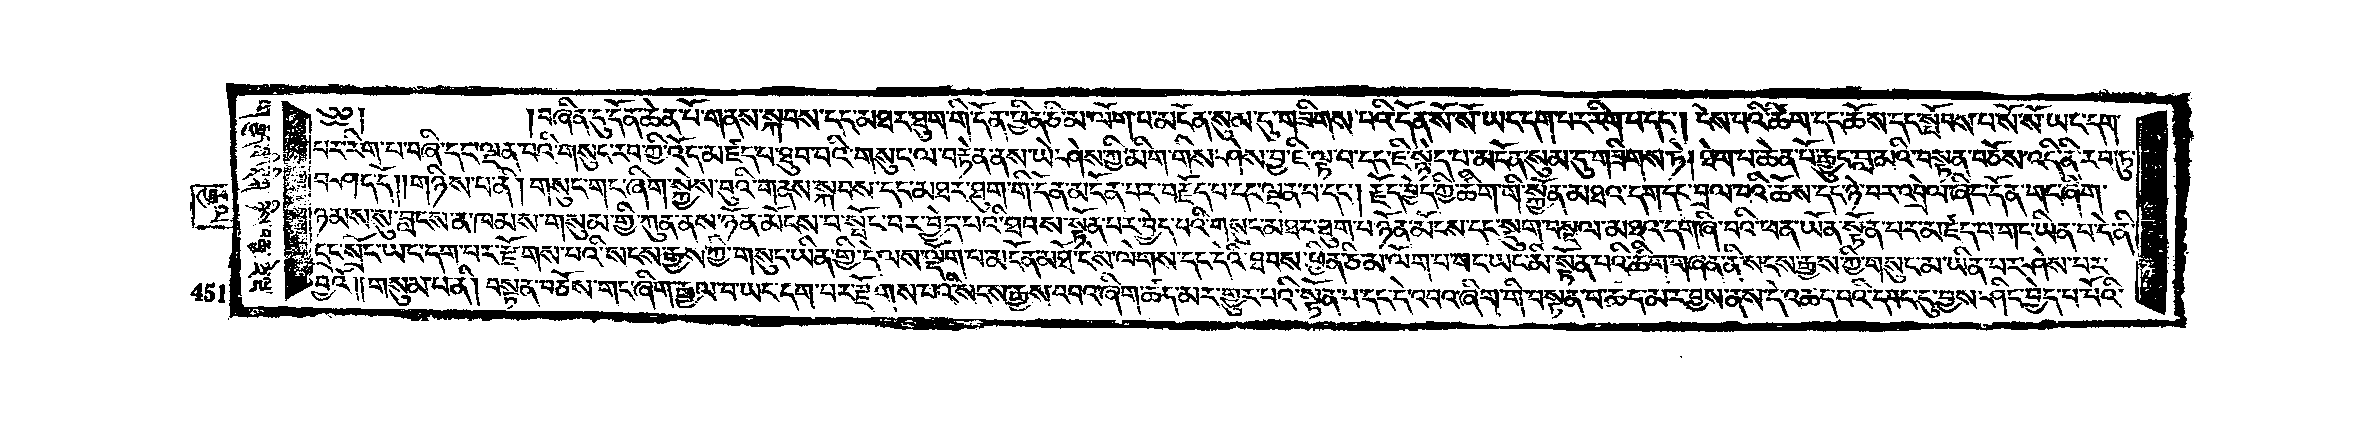༄༅། །བཞིན་དུ་དོན་ཆེན་པོ་གནས་སྐབས་དང་མཐར་ཐུག་གི་དོན་ཕྱིན་ཅི་མ་ལོག་པ་མངོན་སུམ་དུ་གཟིགས་པའི་དོན་སོ་སོ་ཡང་དག་པར་རིག་པ་དང་། ངེས་པའི་ཚིག་དང་ཆོས་དང་སྤོབས་པ་སོ་སོ་ཡང་དག་
པར་རིག་པ་བཞི་དང་ལྡན་པའི་གསུང་རབ་ཀྱི་འོད་མཛད་པ་ཐུབ་པའི་གསུང་ལ་བརྟེན་ནས་ཡེ་ཤེས་ཀྱི་མིག་གིས་ཤེས་བྱ་ཇི་ལྟ་པ་དང་ཇི་སྙེད་པ་མངོན་སུམ་དུ་གཟིགས་ཏེ། ཐེག་པ་ཆེན་པོ་རྒྱུད་བླ་མའི་བསྟན་བཅོས་འདི་ནི་རབ་ཏུ་
བཤད་དོ། །གཉིས་པ་ནི། གསུང་གང་ཞིག་སྐྱེས་བུའི་གནས་སྐབས་དང་མཐར་ཐུག་གི་དོན་མངོན་པར་བརྗོད་པ་དང་ལྡན་པ་དང་། རྗོད་བྱེད་ཀྱི་ཚིག་གི་སྐྱོན་མཐའ་དག་དང་བྲལ་བའི་ཆོས་དང་ཉེ་བར་འབྲེལ་ཞིང་དོན་གང་ཞིག་
ཉམས་སུ་བླངས་ན་ཁམས་གསུམ་གྱི་ཀུན་ནས་ཉོན་མོངས་པ་སྤོང་བར་བྱེད་པའི་ཐབས་སྟོན་པར་བྱེད་པའི་གསུང་མཐར་ཐུག་པ་ཉོན་མོངས་དང་སྡུག་བསྔལ་མཐའ་དག་ཞི་བའི་ཕན་ཡོན་སྟོན་པར་མཛད་པ་གང་ཡིན་དེ་ནི་
དྲང་སྲོང་ཡང་དག་པར་རྫོགས་པའི་སངས་རྒྱས་ཀྱི་གསུང་ཡིན་གྱི་དེ་ལས་ལྡོག་པ་མངོན་མཐོ་ངེས་ལེགས་དང་དེའི་ཐབས་ཕྱིན་ཅི་མ་ལོག་པ་གང་ཡང་མི་སྟོན་པའི་ཚིག་གཞན་ནི་སང་རྒྱས་ཀྱི་གསུང་མ་ཡིན་པར་ཤེས་པར་
བྱའོ། །གསུམ་པ་ནི། བསྟན་བཅོས་གང་ཞིག་རྒྱལ་བ་ཡང་དག་པར་རྫོགས་པའི་སངས་རྒྱས་འབའ་ཞིག་ཚད་མར་གྱུར་པའི་སྟོན་པ་དང་དེ་འབའ་ཞིག་གི་བསྟན་བ་ཚད་མར་བྱས་ནས་དེ་འཆད་པའི་དབང་དུ་བྱས་ཤིང་བྱེད་པ་པོའི་